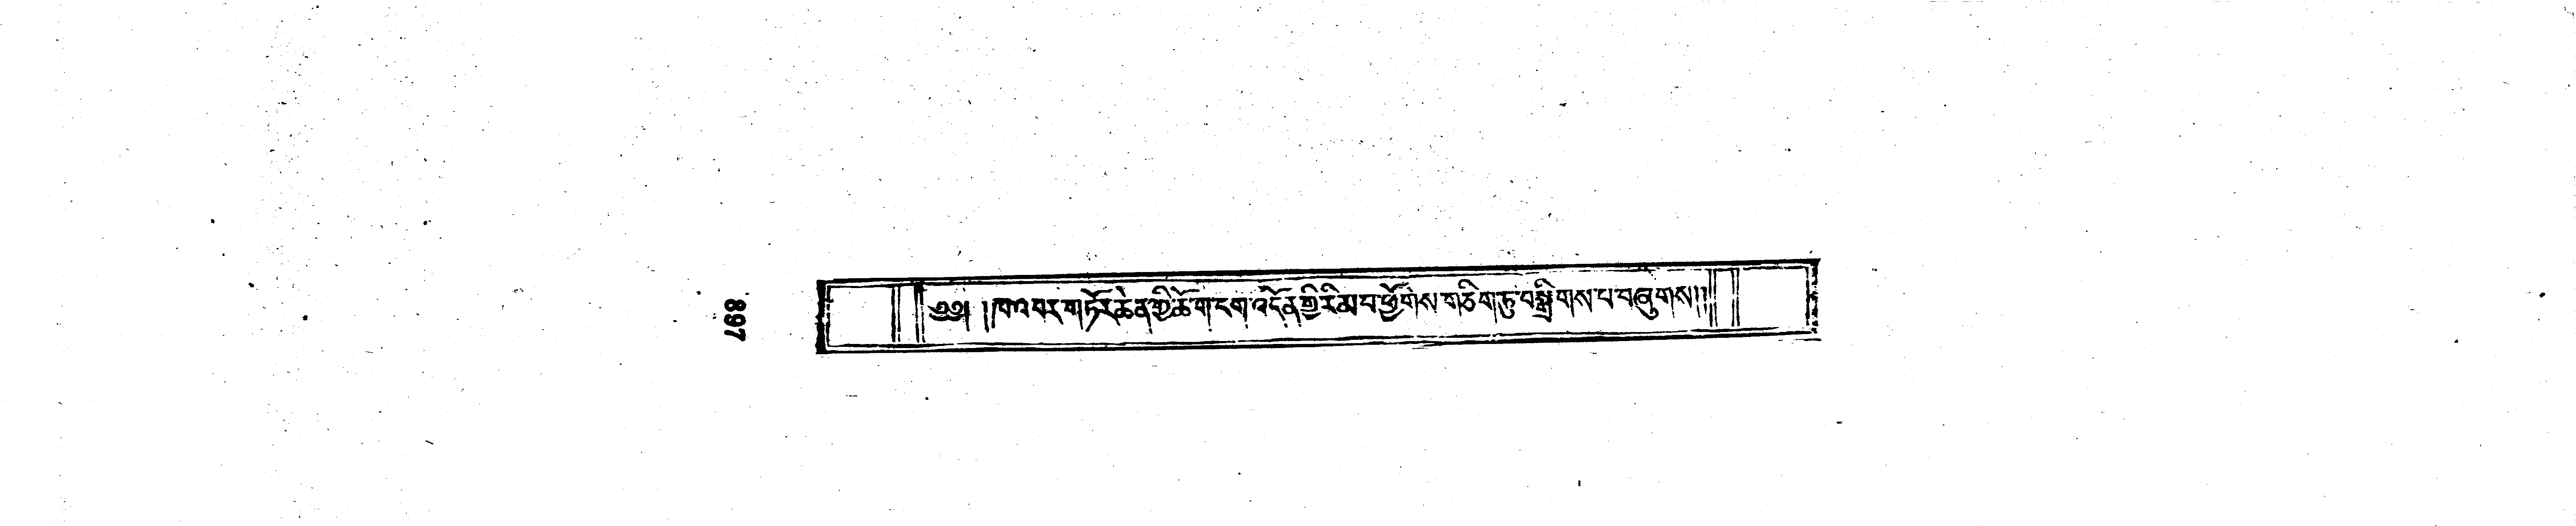༄༅། །ཁ་འབར་གཏོར་ཆེན་གྱི་ཆོག་ངག་འདོན་གྱི་རིམ་པ་ཕྱོགས་གཅིག་ཏུ་བསྒྲིགས་པ་བཞུགས།།